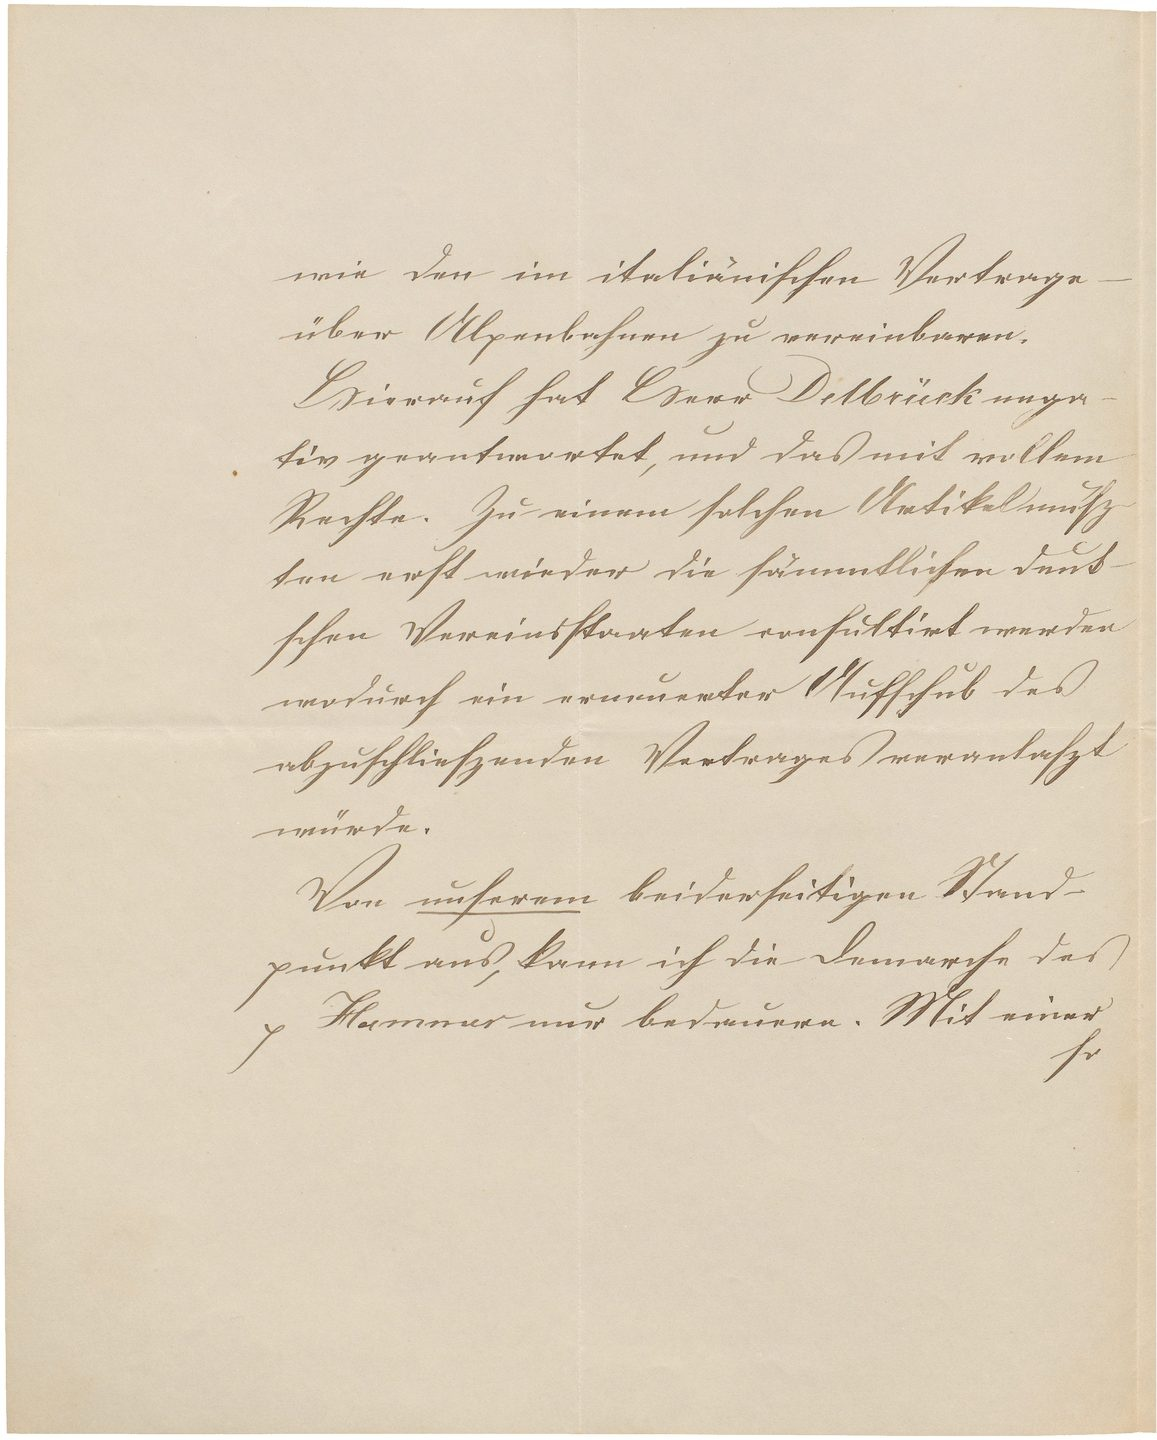wie den im italienischen Vertrage –
über Alpenbahnen zu vereinbaren.
Hierauf hat Herr Delbrück nega-
tiv geantwortet, und das mit vollem
Rechte. Zu einem solchen Artikel müsz-
ten erst wieder die sämmtlichen deut-
schen Vereinsstaaten consultirt werden
wodurch ein erneuerter Aufschub des
abzuschlieszenden Vertrages veranlaszt
würde.
Von unserem beiderseitigen Stand-
punkt aus, kann ich die Demarche des
p Hammer nur bedauern. Mit einer
so